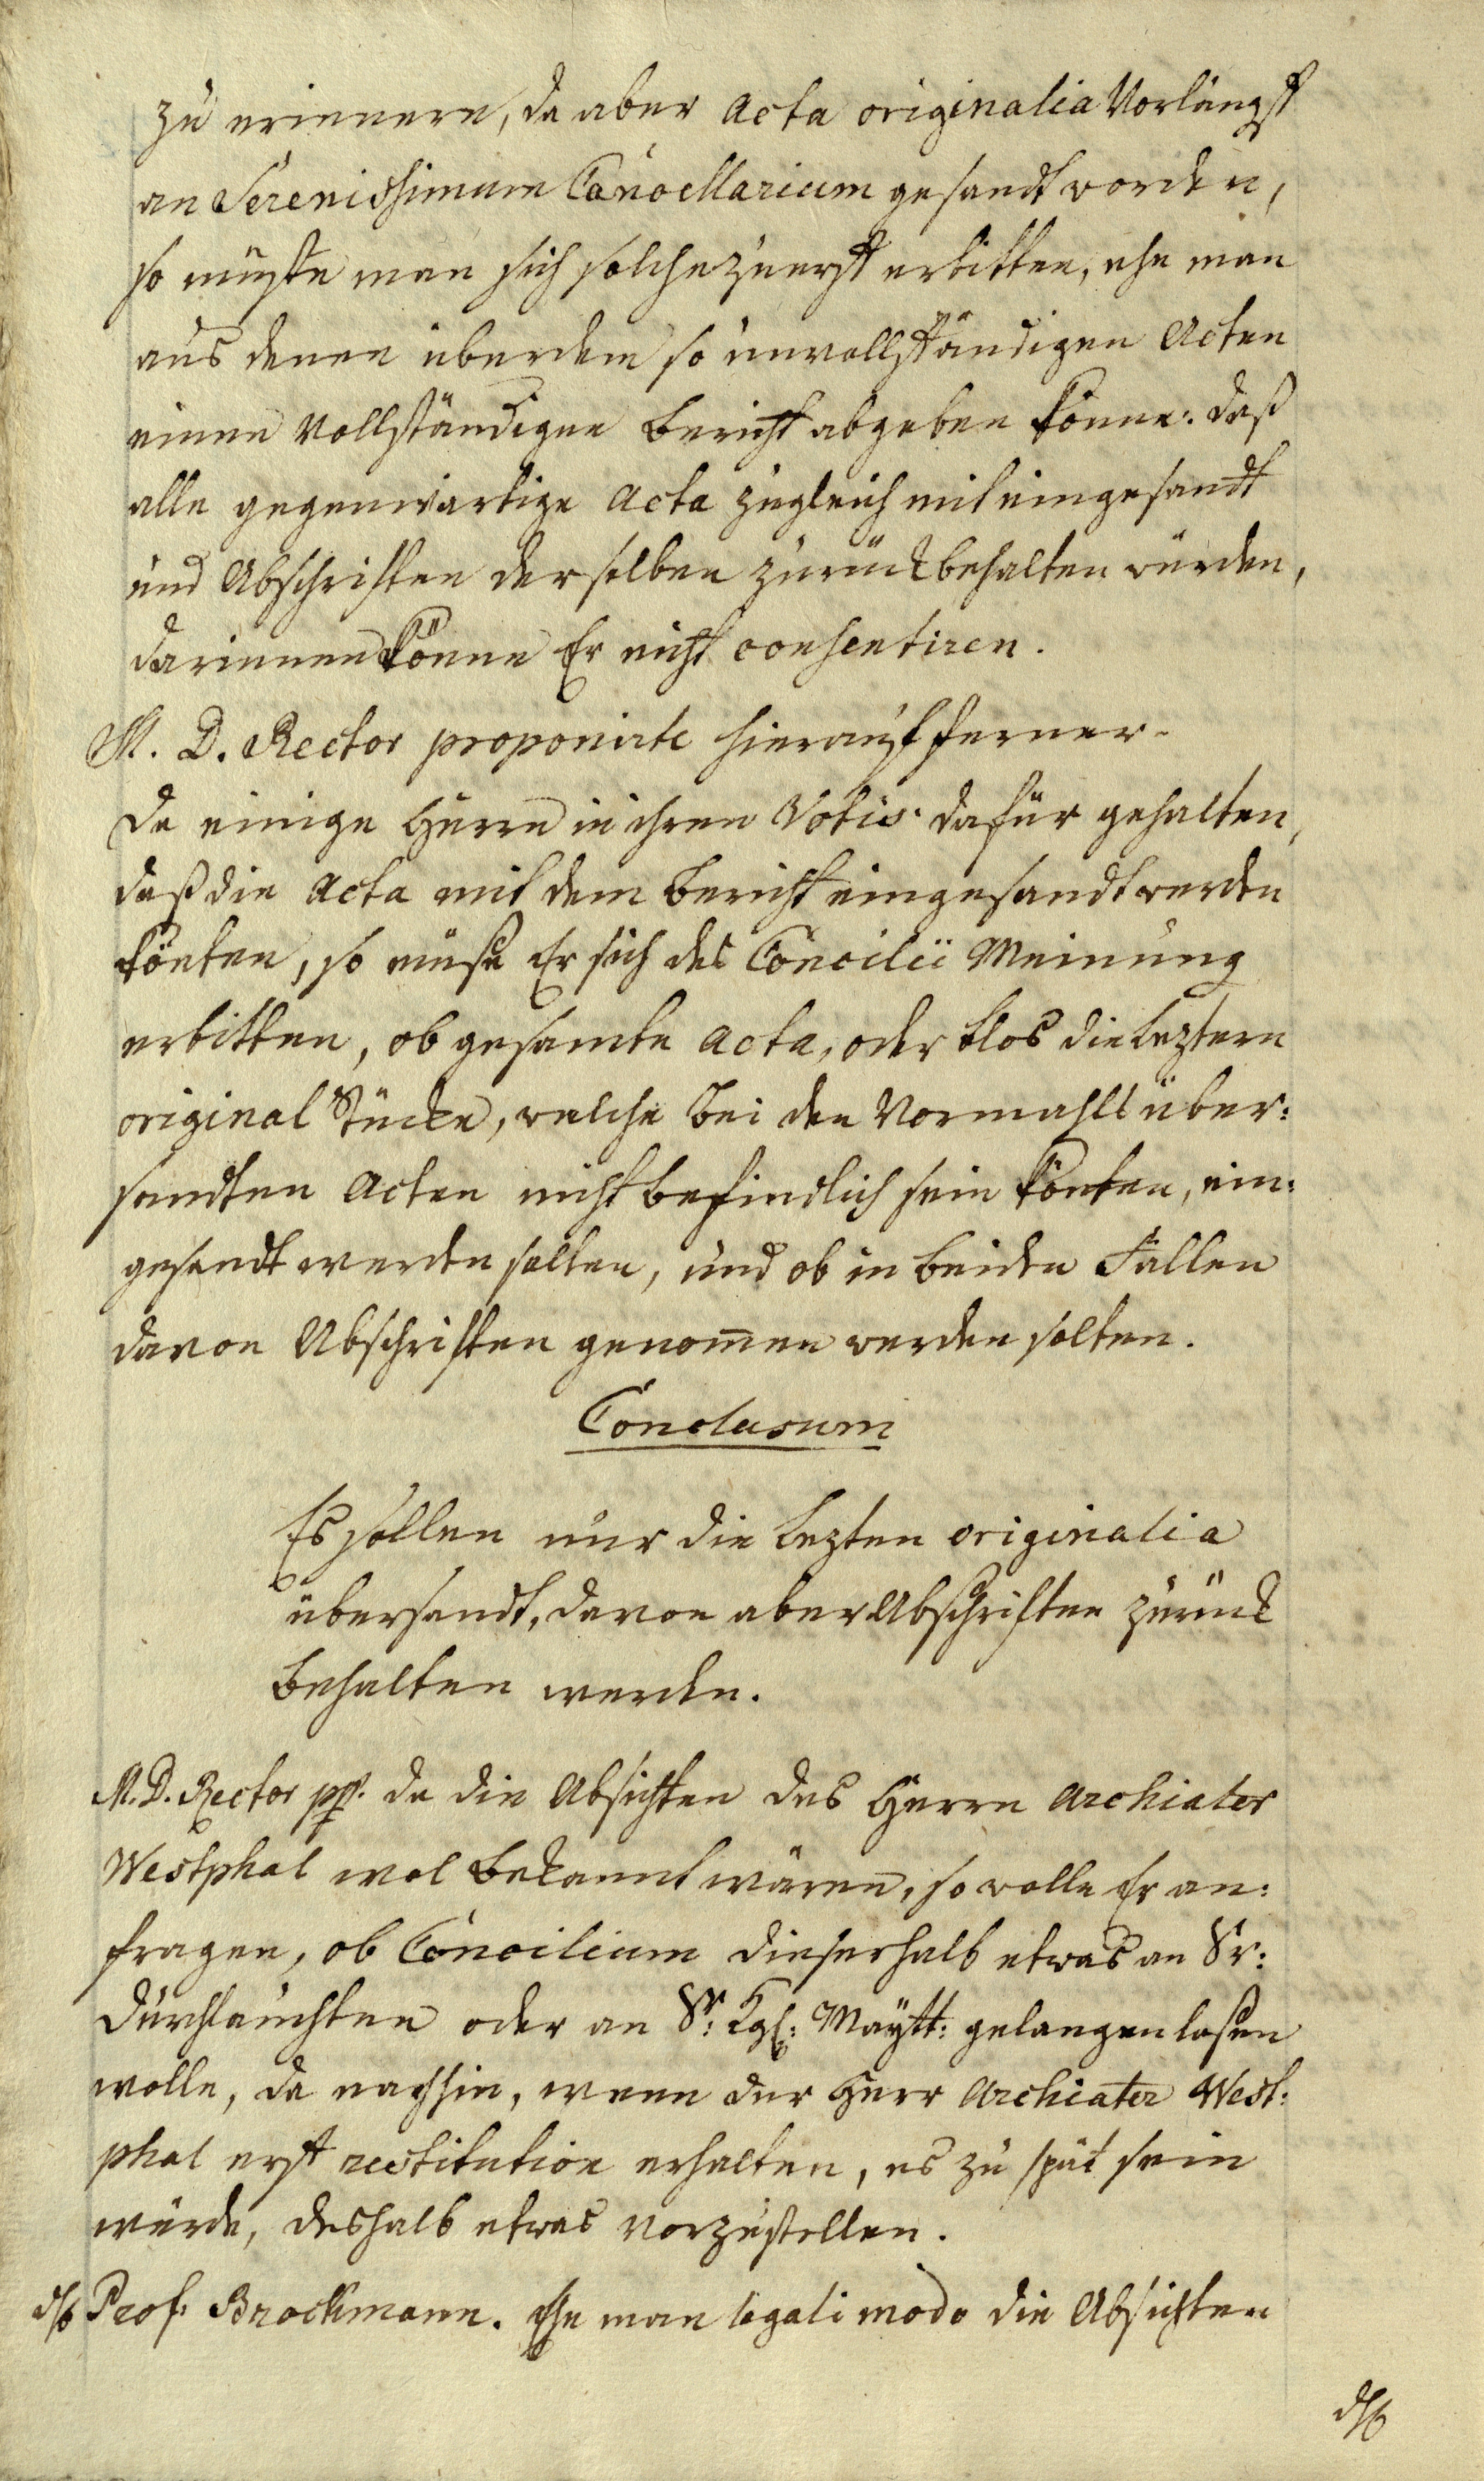zu erinnern, da aber Acta originalia vorlängst
an Serenissimum Cancellarium gesandt worden,
so müste man sich solche zuerst erbitten, ehe man
aus denen überdem so unvollständigen Acten
einen vollständigen Bericht abegeben könne. Daß
alle gegenwärtige Acta zugleich mit eingesandt
und Abschriften derselben zurück behalten würden,
darinnen könne Er nicht consentiren.
M. D. Rector proponirte hierauf ferner
da einige Herrn in ihren Votis dafür gehalten,
daß die Acta mit dem Bericht eingesandt werden
könten, so müße Er sich des Concilii Meinung
erbitten, ob gesamte Acta, oder blos die lezten
original Stücke, welche bei den vormahls über¬
sandten Acten nichtbefindlich sein könten, ein¬
gesandt werden solten, undob in beiden Fällen
davon Abschriften genomen werden solten.
Conclusum
Es sollen nur die lezten originalia
übersandt, davon aber Abschriften zurück
behalten werden.
M. D. Rector pp. Da die Absichtendes Herrn Archiater
Westphal wol bekannt wären so wolle Er an¬
fragen, ob Concilium dieserhalb etwas an Sr
Durchlauchten oder an Sr Kgl. Maÿtt. gelangen laßen
wolle, da nachhin, wenn der Herr Archiater West¬
phal erst restitution erhalten, es zu spät sein
würde, deshalb etwas vorzustellen.
dh. Prof. Brockmann. Ehe man legali modo die Absichten